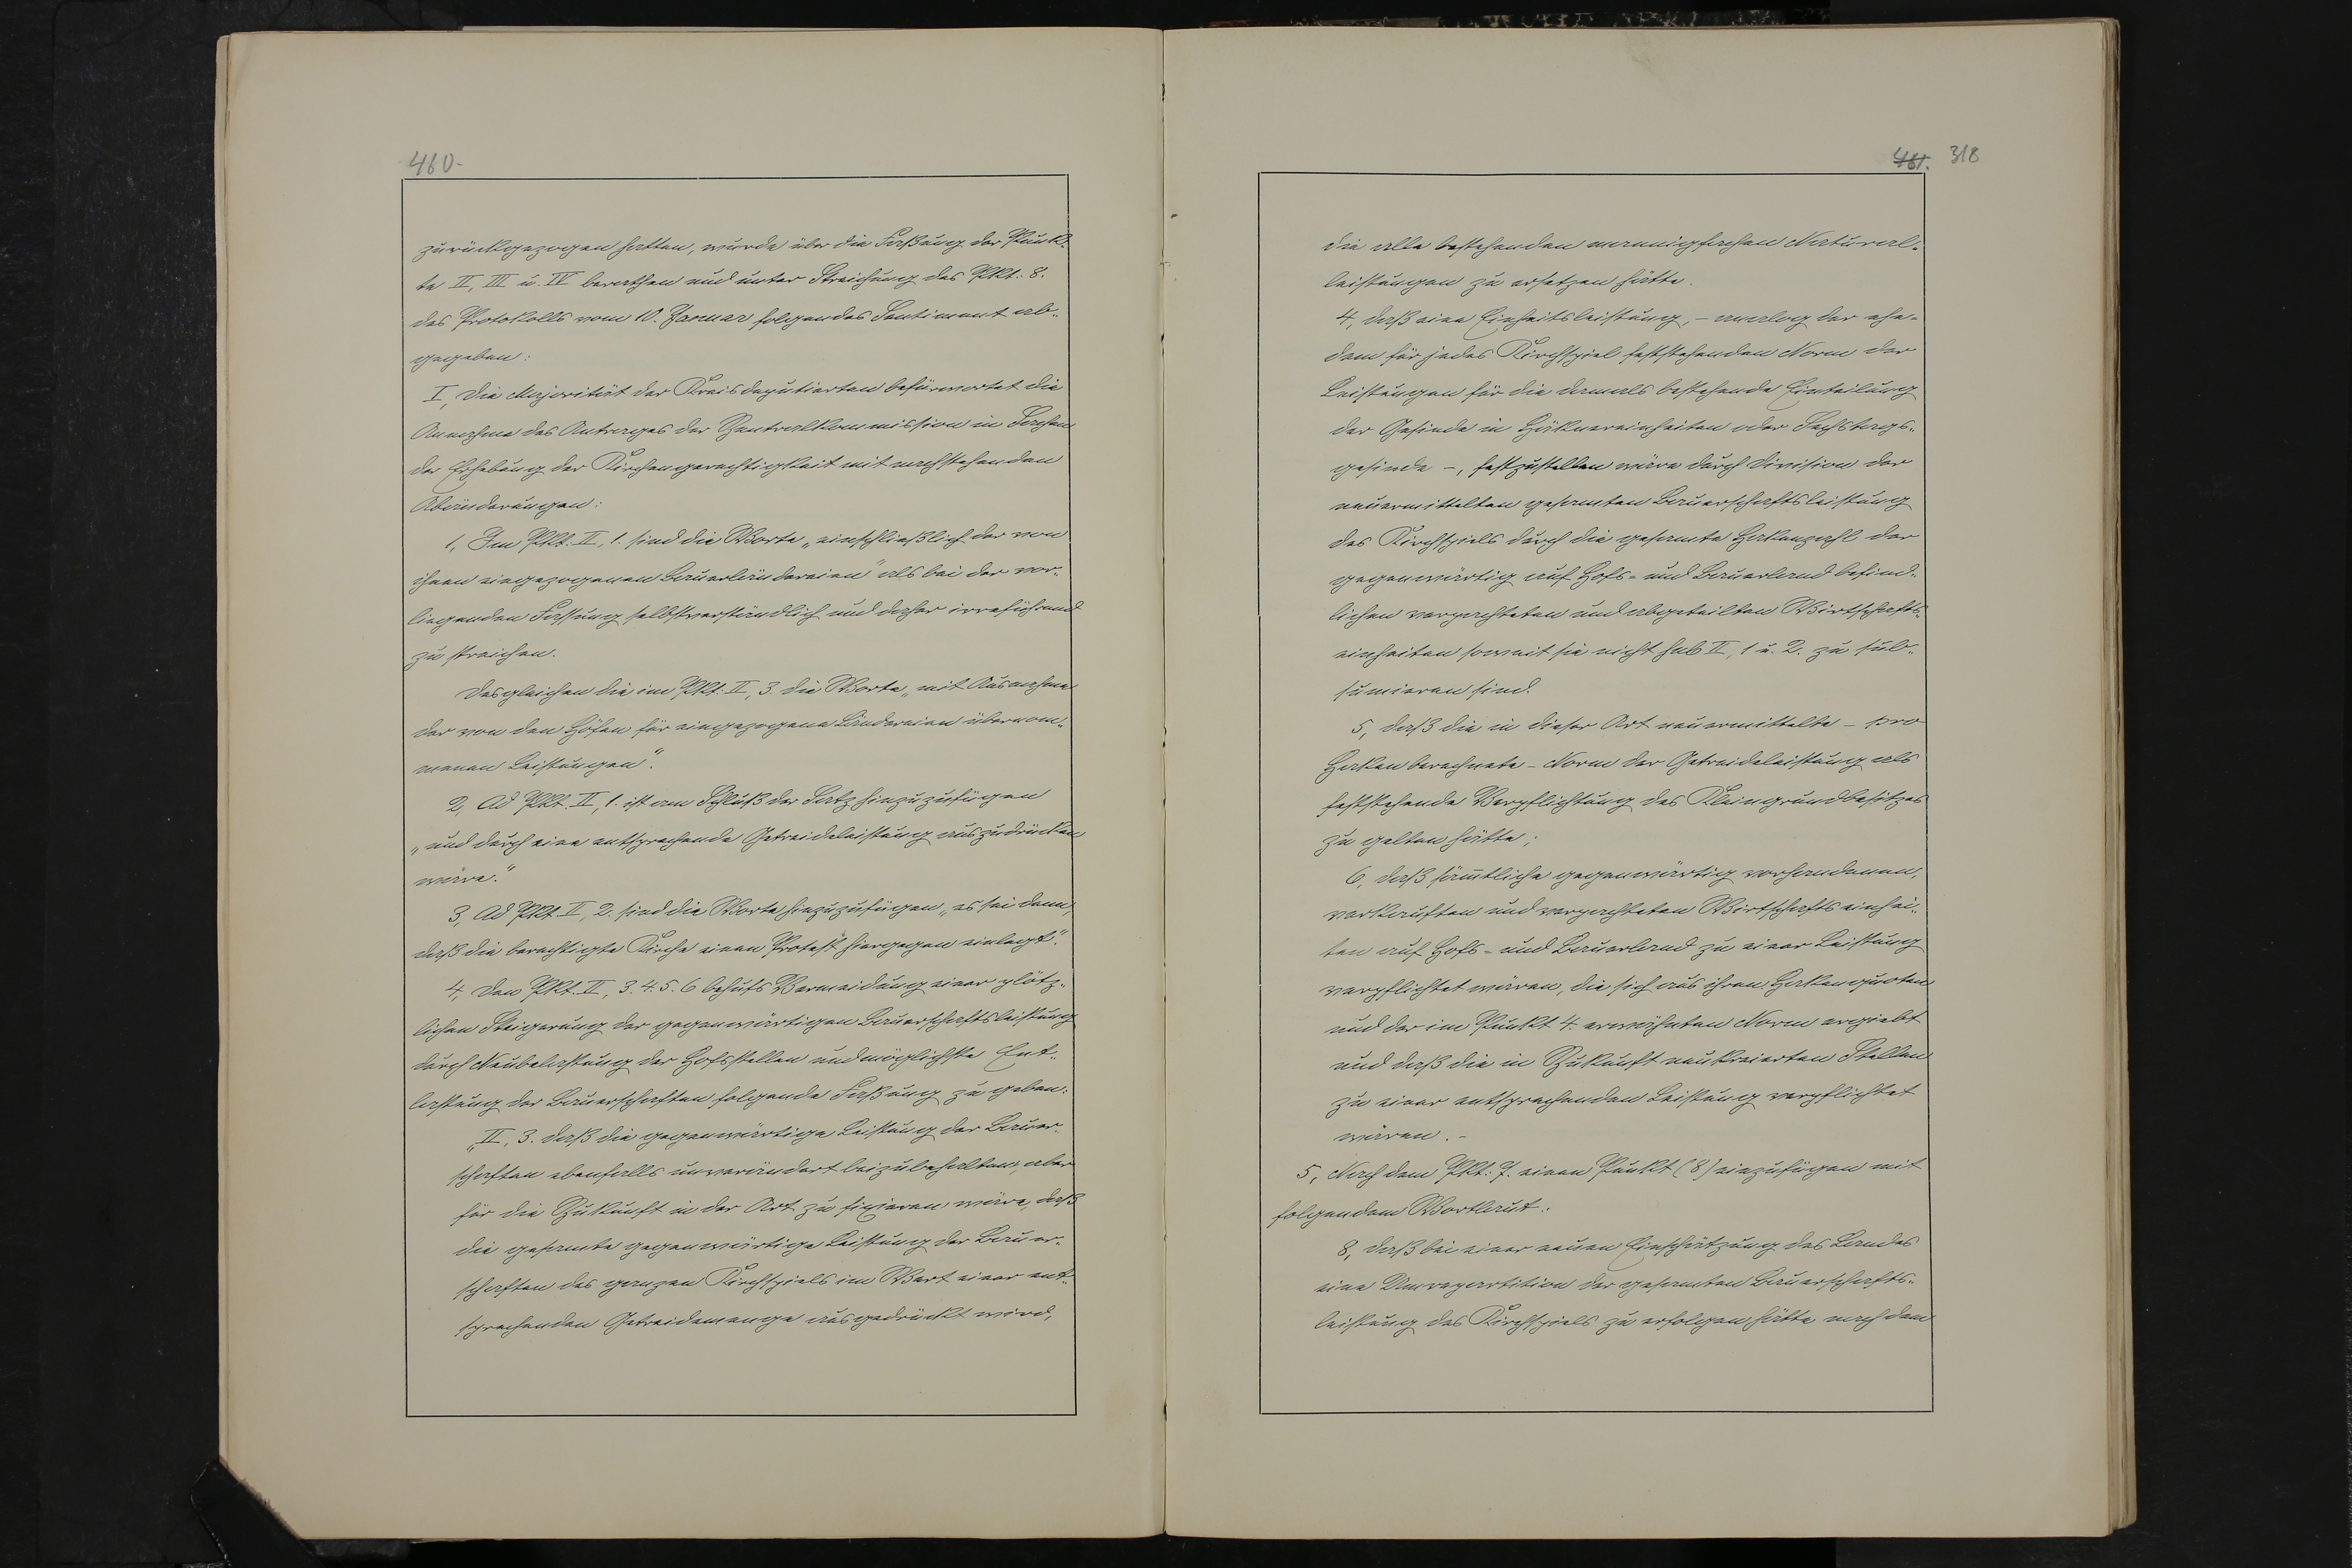zurückgezogen hatten, wurde über die Faßung der Punk-
te II, III u. IV berathen und unter Streichung des Pkt. 8.
des Protokolls vom 10. Januar folgendes Sentiment ab-
gegeben:
I. Die Majorität der Kreisdeputierten befürwortet die
Annahme des Antrages der Zentralkommission in Sachen
der Erhebung der Kirchengerechtigkeit mit nachstehenden
Abänderungen:
1. Im Pkt. II,1. sind die Worte „einschließlich der von
ihnen eingezogenen Bauerländereien“ als bei der vor-
liegenden Fassung selbstverständlich und daher irreführend
zu streichen.
Desgleichen die Worte im Pkt. II,3. die Worte „mit Ausnahme
der von den Höfen für eingezogene Ländereien übernom-
menen Leistungen“.
2. Ad Pkt. II,1. ist am Schluß der Satz hinzuzufügen
„und durch eine entsprechende Getreideleistung auszudrücken
wäre.“
3. Ad Pkt. II,2. sind die Worte hinzuzufügen „es sei denn,
daß die berechtigte Kirche einen Protest hiergegen einlegt.“
4. Den Pkt. II, 3.4.5.6 behufs Vermeidung einer plötz-
lichen Steigerung der gegenwärtigen Bauerschaftsleistung
durch Neubelastung der Hofsstellen und möglichste Ent-
lastung der Bauerschaften folgende Faßung zu geben:
„II,3. daß die gegenwärtige Leistung der Bauer-
schaften ebenfalls unverändert beizubehalten, aber
für die Zukunft in der Art zu fixieren wäre, daß
die gesamte gegenwärtige Leistung der Bauer-
schaften des ganzen Kirchspiels im Wert einer ent-
sprechenden Getreidemenge ausgedrückt wird,
die alle bestehenden mannigfachen Natural-
leistungen zu ersetzen hätte.
4. daß eine Einheitsleistung, – analog der ehe-
dem für jedes Kirchspiel feststehenden Norm der
Leistungen für die damals bestehende Einteilung
der Gesinde in Häknereinheiten oder Sechstags-
gesinde –, festzustellen wäre durch Division der
neuermittelten gesamten Bauerschaftsleistung
des Kirchspiels durch die gesamte Hakenzahl der
gegenwärtig auf Hofs- und Bauerland befind-
lichen verpachteten und abgeteilten Wirtschafts-
einheiten, soweit sie nicht sub II,1 u. 2. zu sub-
summieren sind.
5. daß die in dieser Art neuermittelte – pro
Haken berechnete – Norm der Getreideleistung als
feststehende Verpflichtung des Kleingrundbesitzes
zu gelten hätte;
6. daß sämmtliche gegenwärtig vorhandenen,
verkauften und verpachteten Wirtschaftseinhei-
ten auf Hofs- und Bauerland zu einer Leistung
verpflichtet wären, die sich aus ihren Hakenquoten
und der im Punkt 4. erwähnten Norm ergiebt
und daß die in Zukunft neukreierten Stellen
zu einer entsprechenden Leistung verpflichtet
wären.
5. Nach dem Pkt. 7. einen Punkt (8) einzufügen mit
folgendem Wortlaut:
8. daß bei einer neuen Einschätzung des Landes
eine Umrepartition der gesamten Bauerschafts-
leistung des Kirchspiels zu erfolgen hätte nach dem